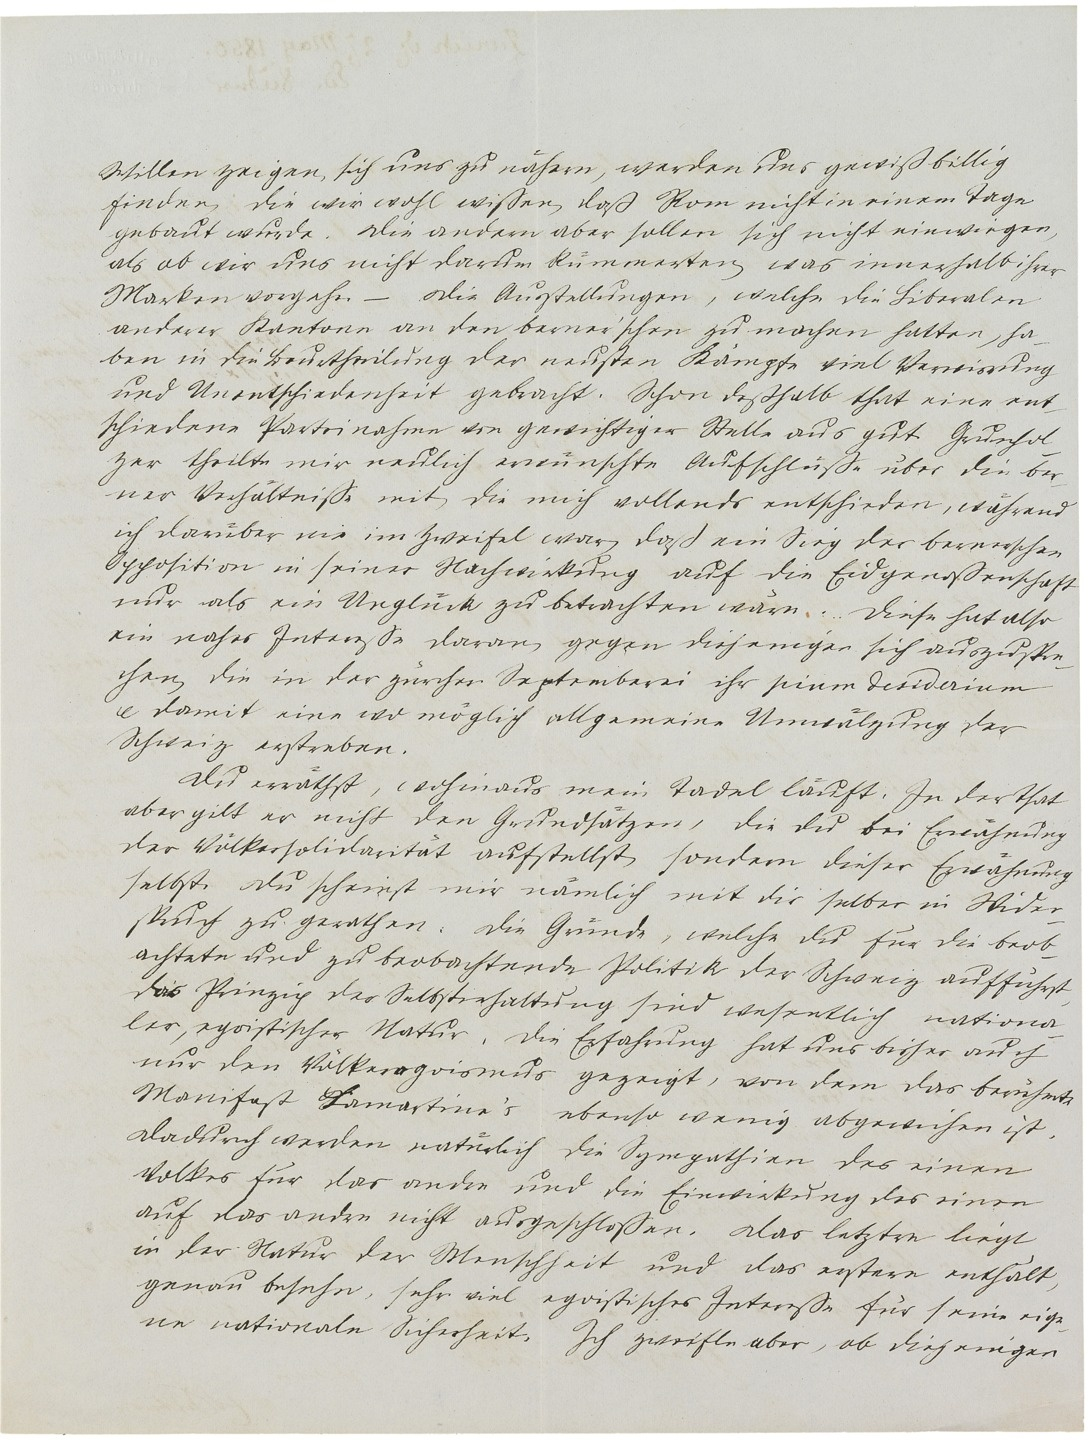Willen zeigen, sich uns zu nähern, werden uns gewiß billig
finden, die wir wohl wissen, daß Rom nicht in einem Tage
gebaut wurde. Die andern aber sollen sich nicht einwiegen,
als ob wir uns nicht darum kümmerten, was innerhalb ihrer
Marken vorgehe. – Die Ausstellungen, welche die Liberalen
anderer Kantone an den berner'schen zu machen hatten, ha-
ben in die Beurtheilung der neusten Kämpfe viel Verwirrung
und Unentschiedenheit gebracht. Schon deßhalb that eine ent-
schiedene Parteinahme von gewichtiger Stelle aus gut. Grunhol-
zer theilte mir neulich erwünschte Aufschlüsse über die ber-
ner Verhältnisse mit, die mich vollends entschieden, während
ich darüber nie im Zweifel war, daß ein Sieg der bernerschen
Opposition in seiner Nachwirkung auf die Eidgenossenschaft
nur als ein Unglück zu betrachten wäre. Diese hat also
ein nahes Interesse daran, gegen diejenigen sich auszuspre-
chen, die in der zürcher Septemberei ihr pium desiderium
& damit eine wo möglich allgemeine Umwälzung der
Schweiz erstreben.
Du erräthst, wohinaus mein Tadel läuft. In der That
aber gilt er nicht den Grundsätzen, die du bei Erwähnung
der Völkersolidarität aufstellst, sondern dieser Erwähnung
selbst. Du scheinst mir nämlich mit dir selber in Wider-
spruch zu gerathen. Die Gründe, welche du für die beob-
achtete und zu beobachtende Politik der Schweiz aufführst,
das Prinzip der Selbsterhaltung sind wesentlich nationa-
ler, egoistischer Natur, die Erfahrung hat uns bisher auch
nur den Völkeregoismus gezeigt, von dem das berühmte
Manifest Lamartine's ebenso wenig abgewichen ist.
Dadurch werden natürlich die Sympathien des einen
Volkes für das andre und die Einwirkung des einen
auf das andre nicht ausgeschlossen. Das letztre liegt
in der Natur der Menschheit und das erstere enthält,
genau besehn, sehr viel egoistisches Interesse für seine eige-
ne nationale Sicherheit.
Ich zweifle aber, ob diejenigen